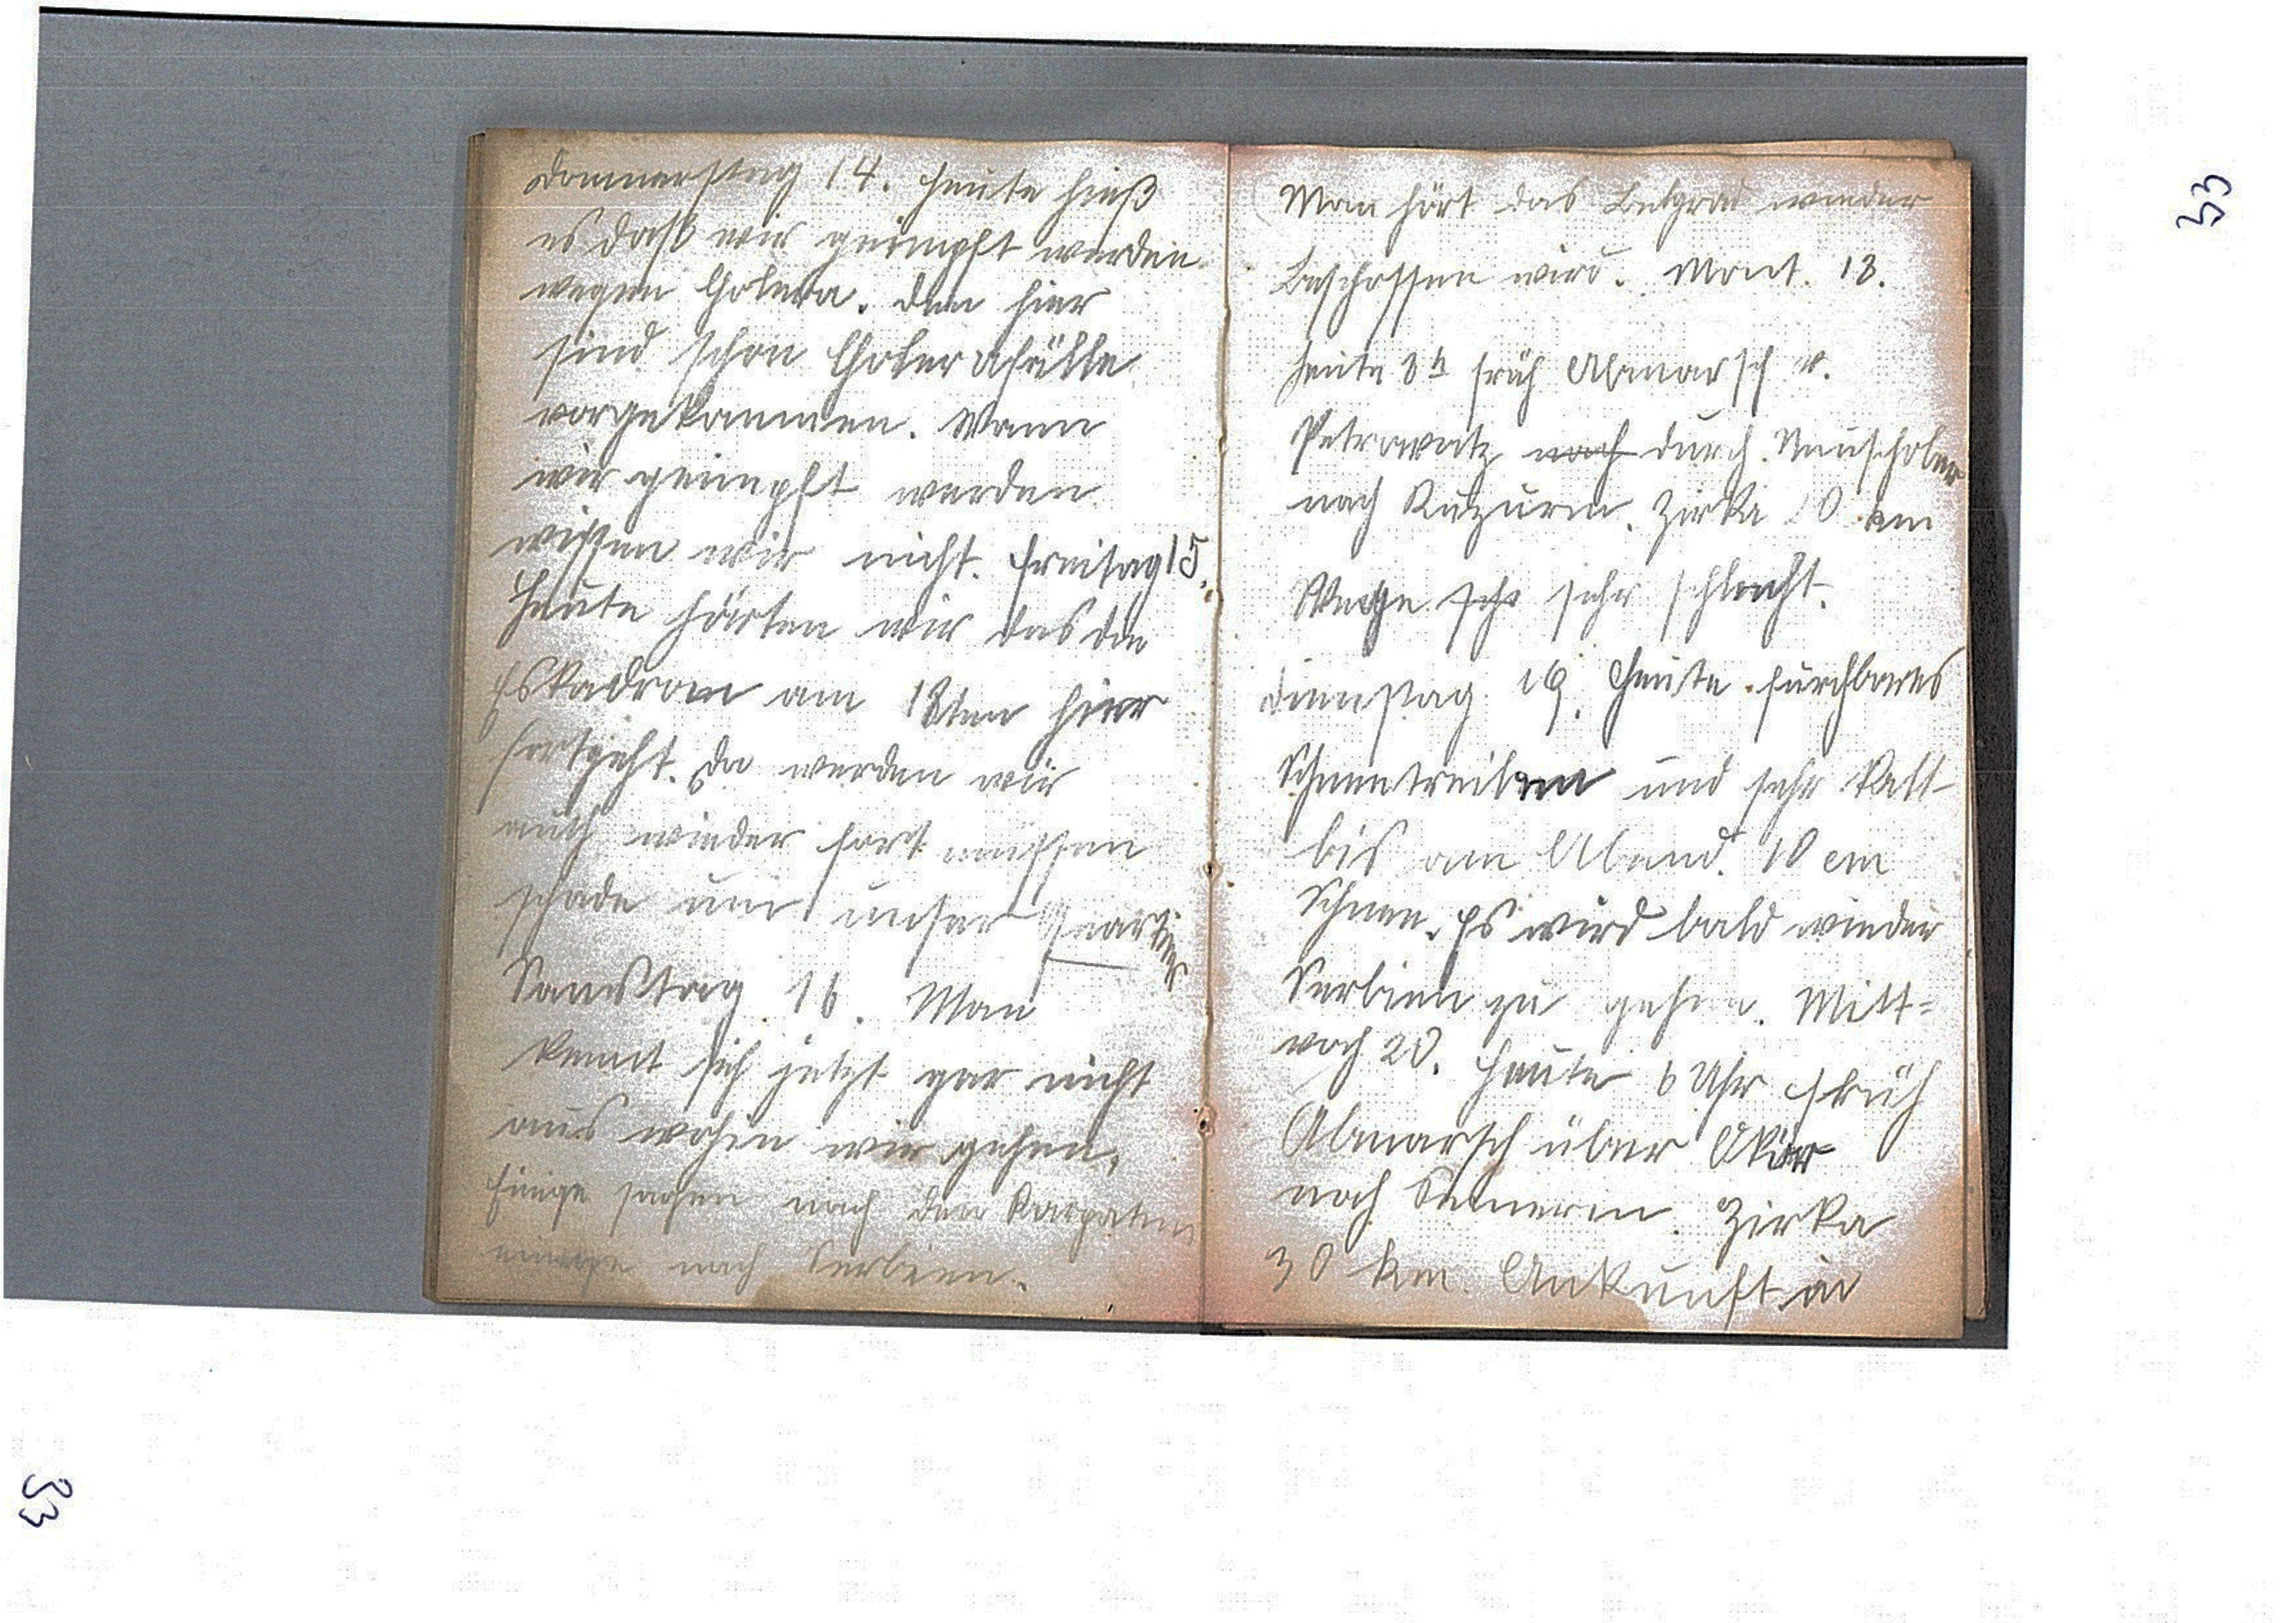Donnerstag 14. Heute hieß
es daß wir geimpft werden
wegen Cholera. Denn hier
sind schon Cholerafälle
vorgekommen. Wann
wir geimpft werden
wissen wir nicht. Freitag 15.
heute hörten wir das die
Eskadron am 18ten hier
fortgeht. Da werden wir
auch wieder fort müssen
schade um unser Quartier
Sonntag 16. Man
kennt bis jetzt gar nicht
und wohin wir gehen
einige sagen nach den Karpaten
einige nach Serbien.
Man hört das Belgrad wieder
angegriffen wird. Mont 18.
Heute 8h früh Abmarsch r.
Petrowatz durch Neuscholm
nach Kuzuvin. Zirka 20 km
Wege sehr schlecht.
Dienstag 19. Heute furchtbares
Schneetreiben und sehr kalt
bis am Abend. 10 cm
Schnee. Es wird bald wieder
Serbien zu gehen. Mitt-
woch 20. Heute 6 Uhr früh
Abmarsch über Vkir
nach Sxxxrin.Zirka
30 km. Ankunft in